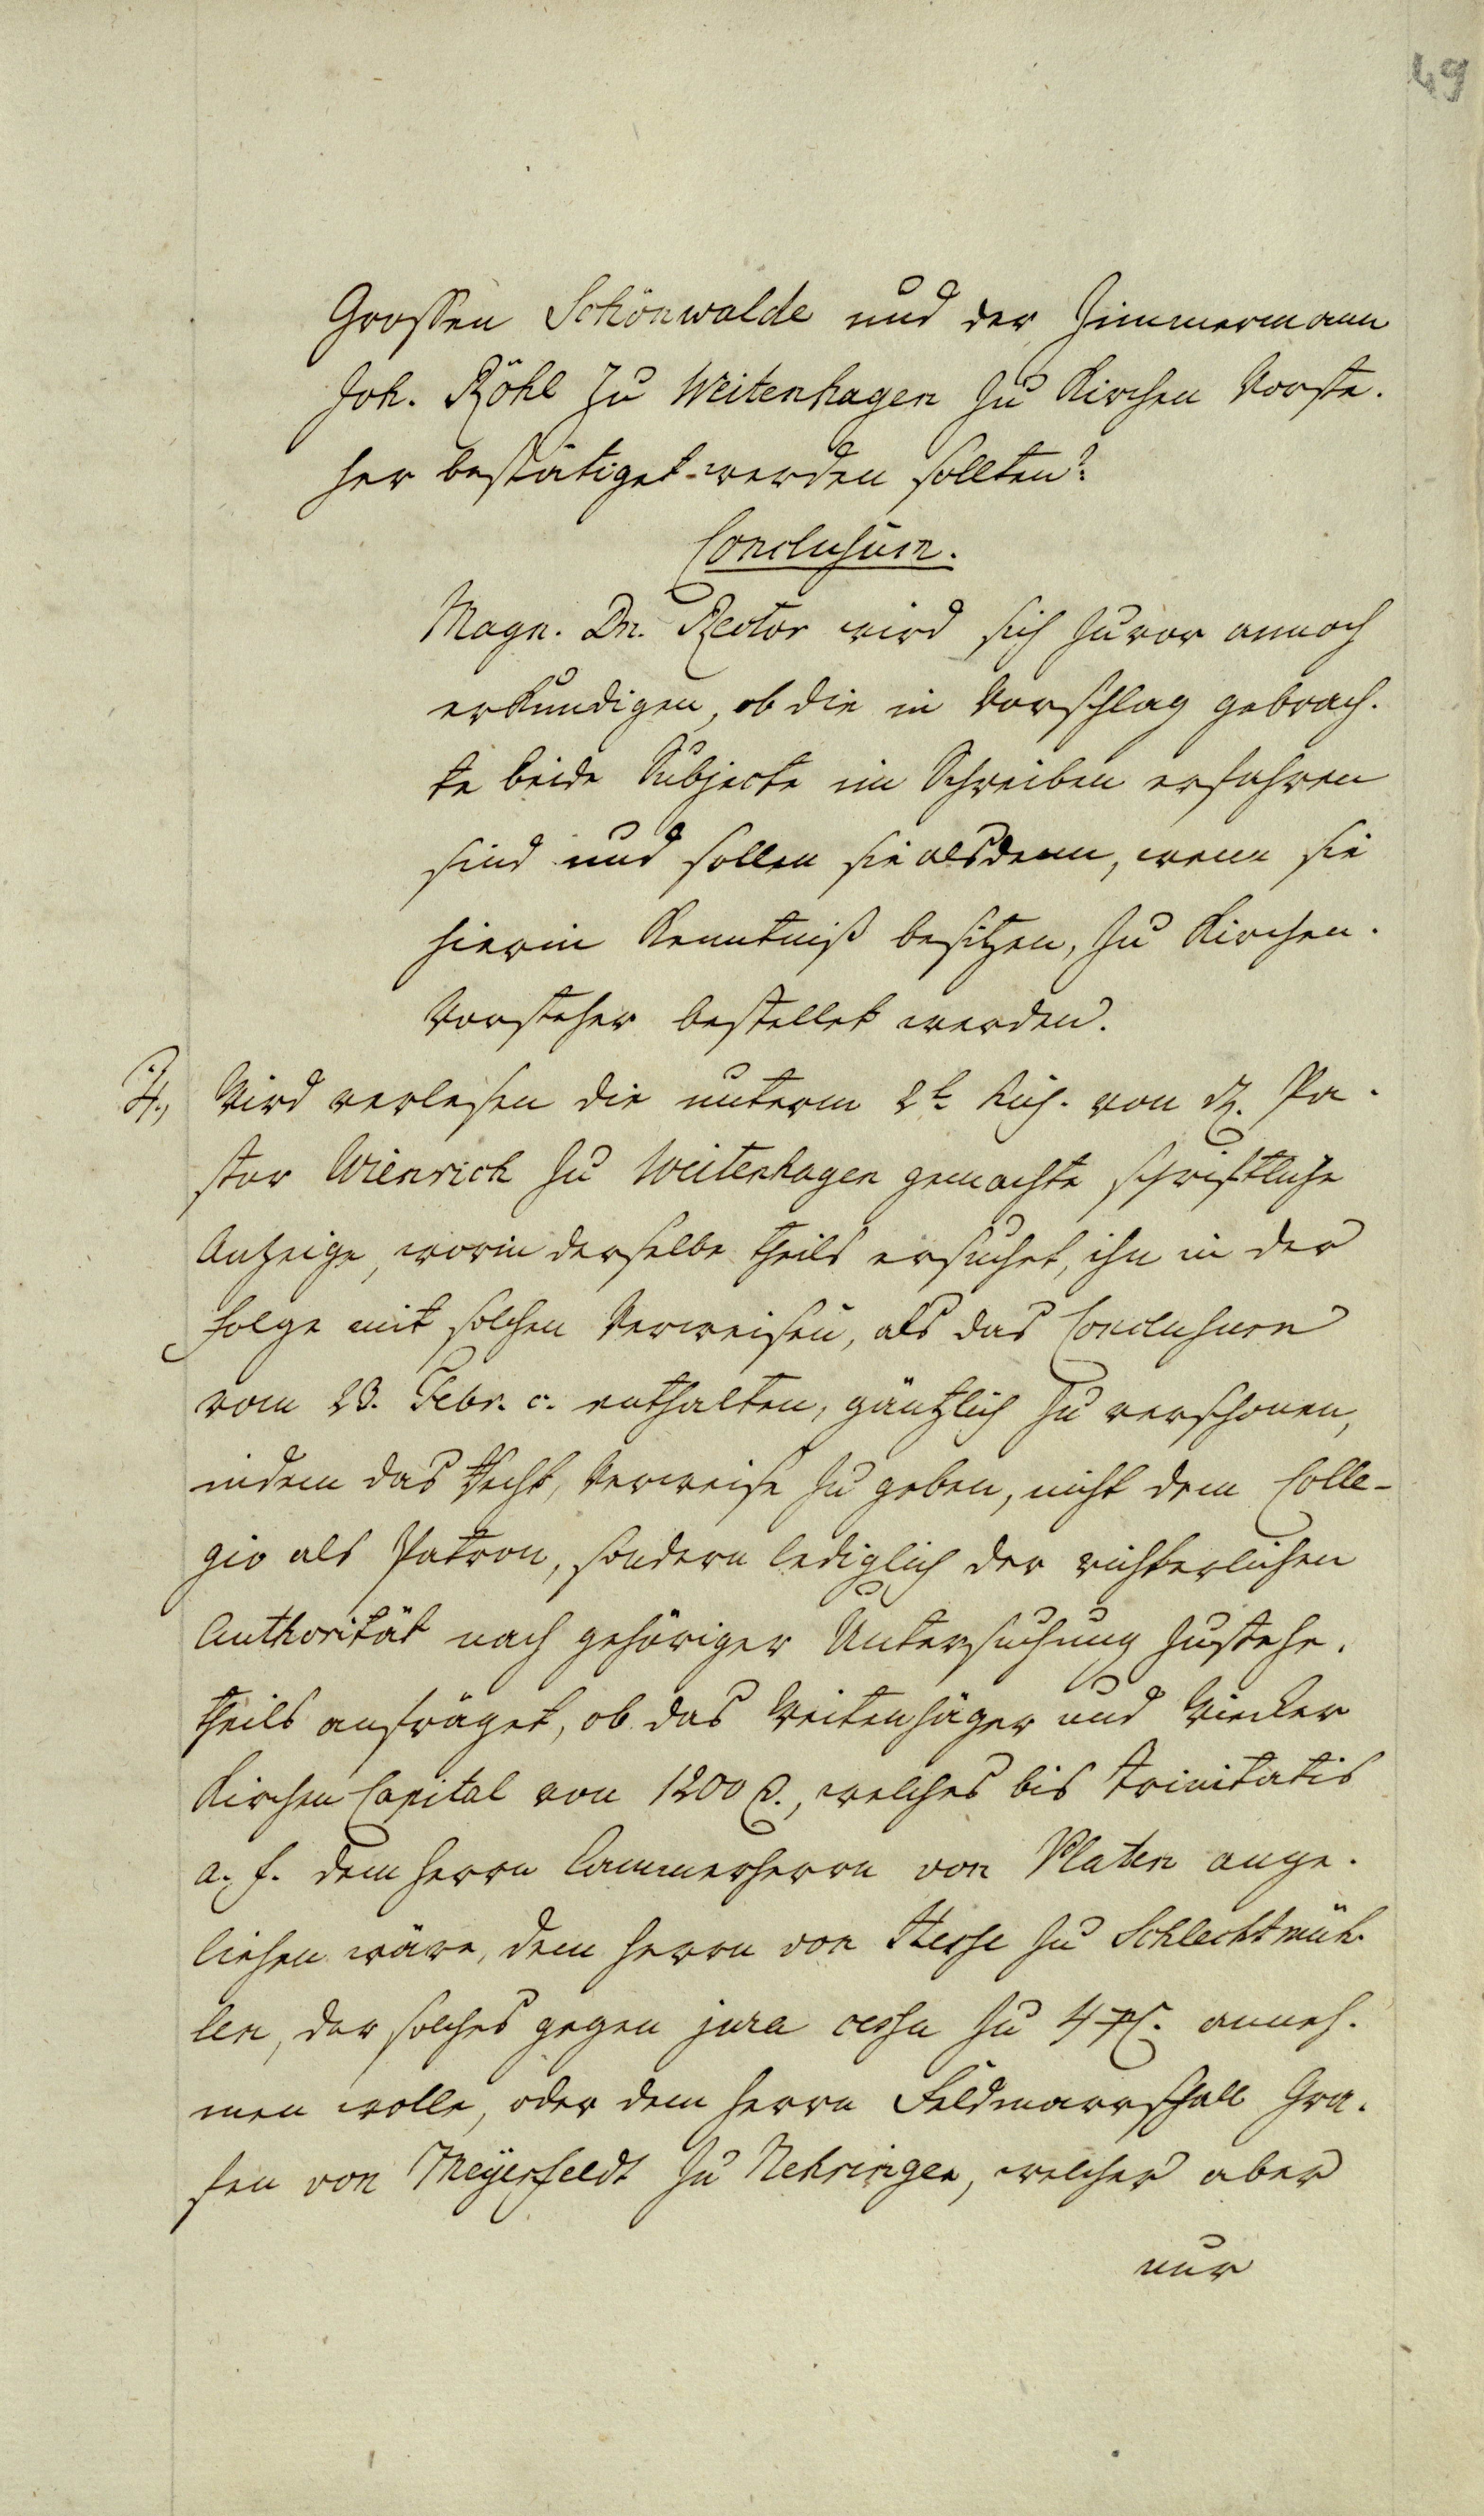Grossen Schönwalde und der Zimmermann
Joh. Köhl zu Weitenhagen zu Kirchen Vorste¬
her bestätiget werden sollten?
Conclusum.
Magn. Dn. Rector wird sich zuvor annoch
erkundigen, ob die in Vorschlag gebrach¬
te beide Subjecte im Schreiben erfahren
sind und sollen sie alsdann, wenn sie
hierin Kenntniß besitzen, zu Kirchen
Vorsteher bestellet werden.
4., Wird verlesen die unterm 2t. huj. von dh. Pa¬
stor Wienrich zu Weitenhagen gemachte schriftliche
Anzeige, worin derselbe theils ersuchet, ihn in der
Folge mit solchen Verweisen, als das Conclusum
vom 23. Febr. c. enthalten, gäntzlich zu verschonen,
indem das Recht, Verweise zu geben, nicht dem Colle¬
gio als Patron, sondern lediglich der richterlichen
Authorität nach gehöriger Untersuchung zustehe,
theils anfräget, ob das Weitenhäger und Wiecker
Kirchen Capital von 1200 rtl., welches bis Trinitatis
a. f. dem Herrn Cammerherrn von Platen ange¬
liehen wäre, dem Herrn von Heche zu Schlechtmüh¬
len, der solches gegen jura cessa zu 4 Pf. anneh¬
men wolle, oder dem Herrn Feldmarrschall Gra¬
fen von Meÿerfeldt zu Nehringen, welcher aber
nur